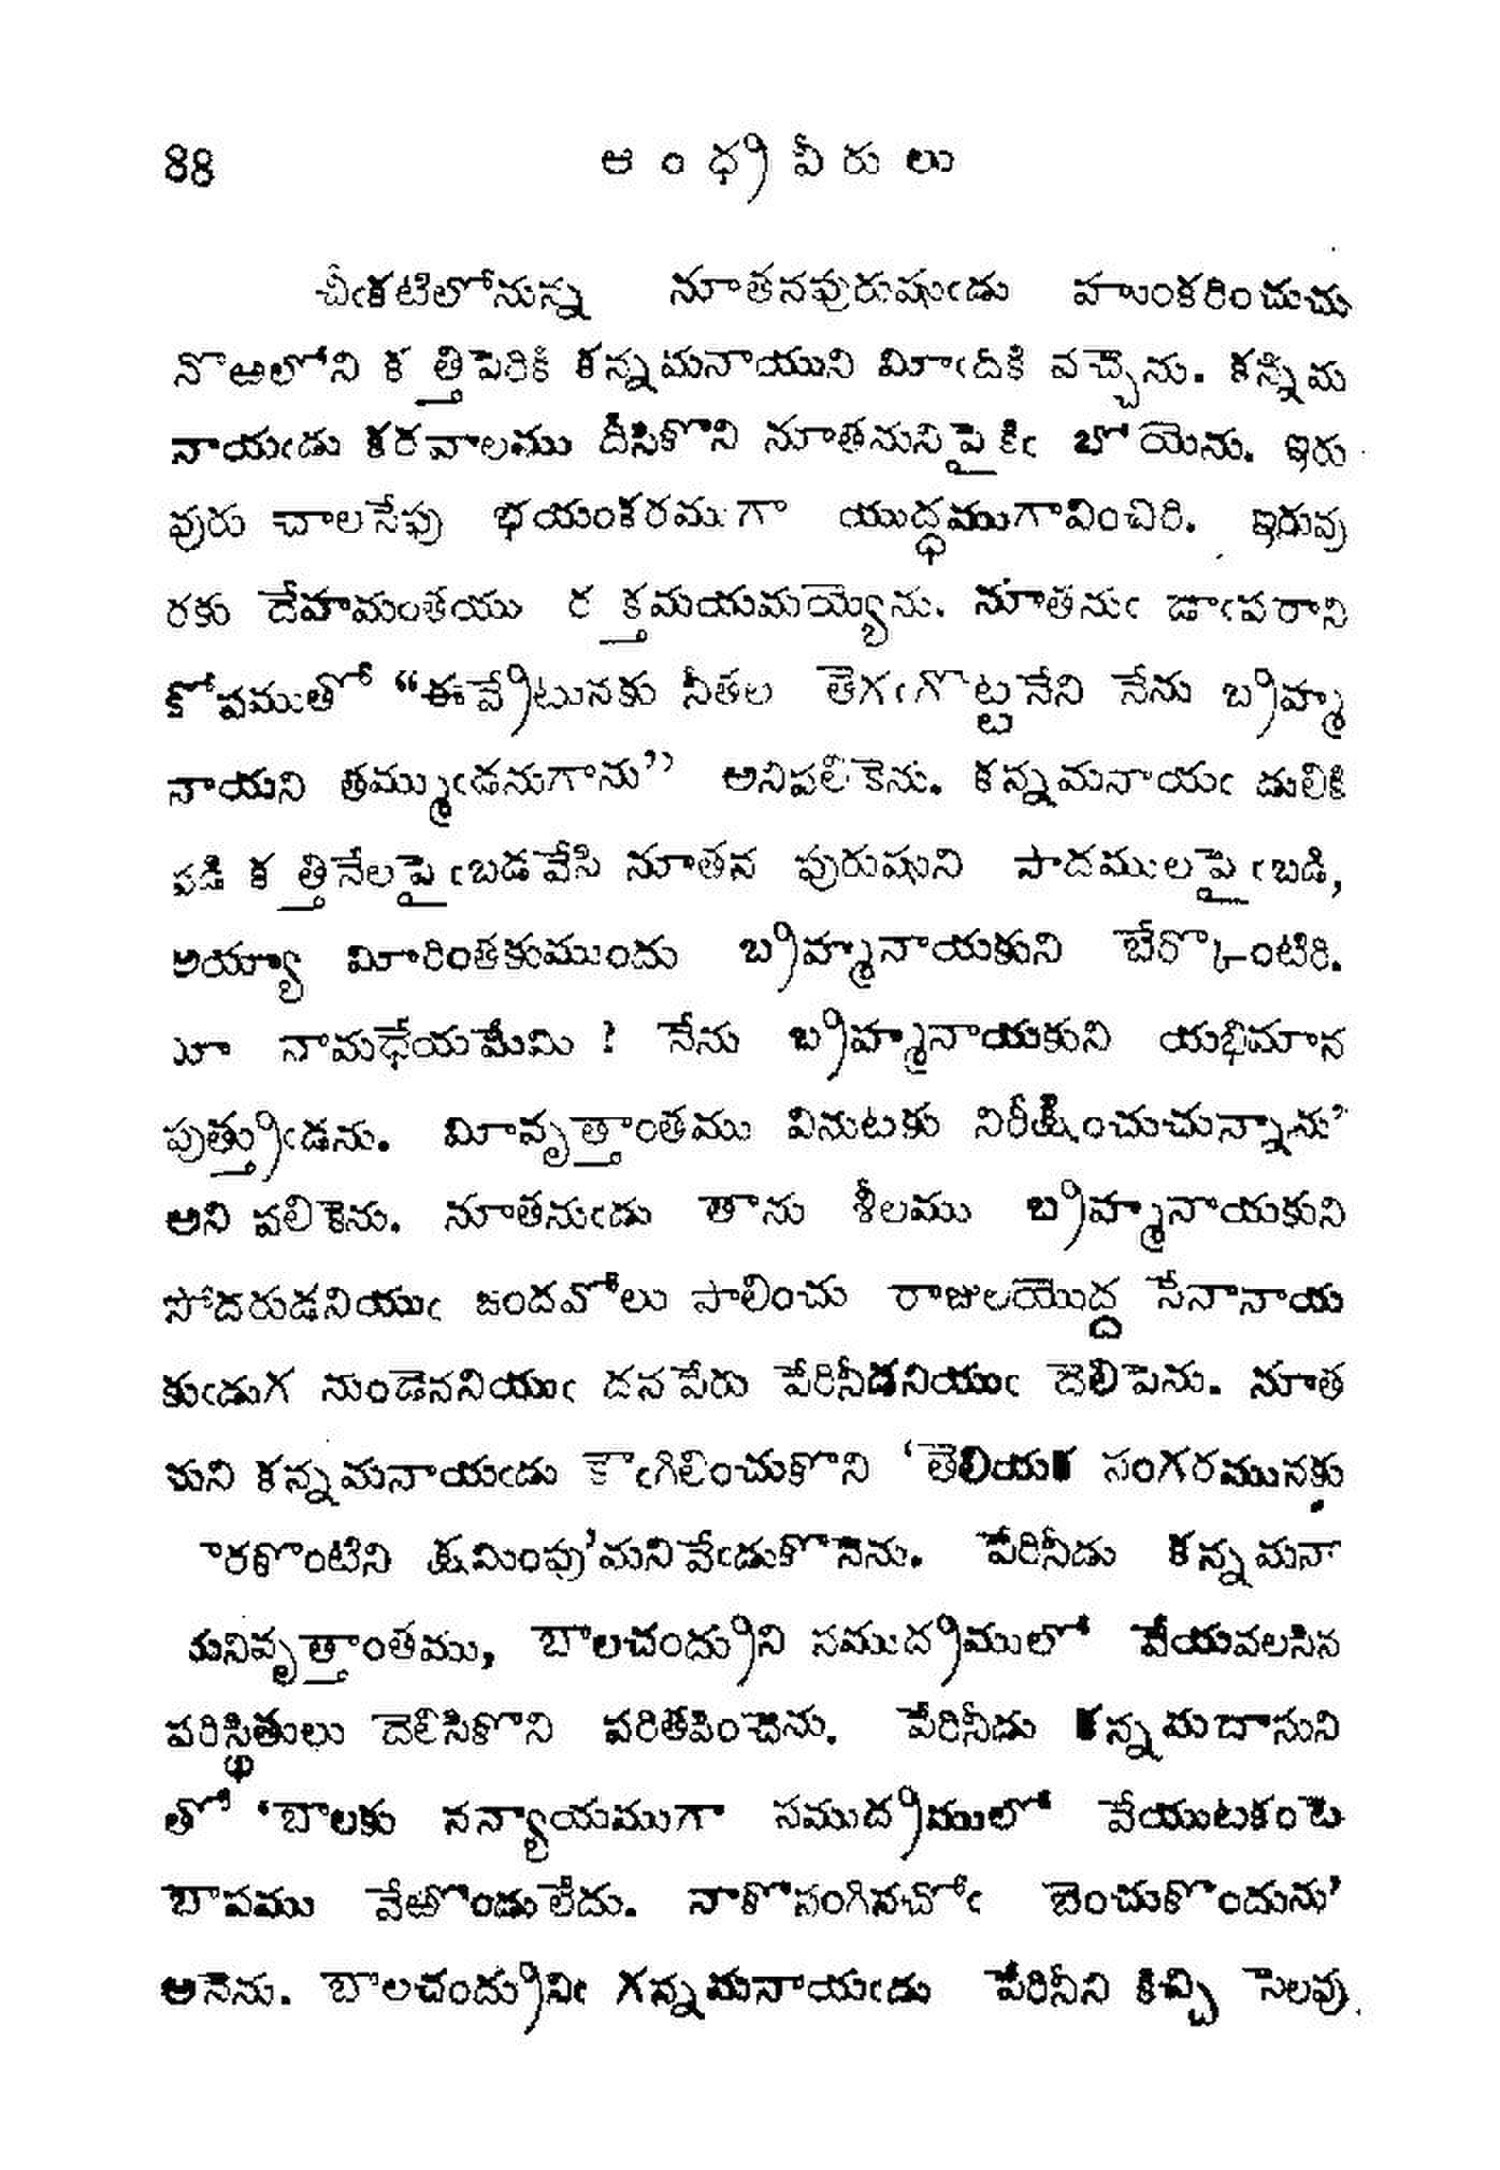చీకటిలోనున్న నూతనపురుషుడు హుంకరించుచు నొఱలోని కత్తిపెరికి కన్నమనాయుని మీదికి వచ్చెను. కన్నమనాయడు కరవాలము దీసికొని నూతనునిపైకి బోయెను. ఇరువురు చాలసేపు భయంకరముగా యుద్ధముగావించిరి. ఇరువురకు దేహమంతయు రక్తమయమయ్యెను. నూతను డాపరానికోపముతో "ఈవ్రేటునకు నీతల తెగ గొట్టనేని నేను బ్రహ్మనాయని తమ్ముడనుగాను" అనిపలికెను. కన్నమనాయ డులికిపడి కత్తినేలపై బడవేసి నూతన పురుషుని పాదములపై బడి, అయ్యా మీరింతకుముందు బ్రహ్మనాయకుని బేర్కొంటిరి. మీ నామధేయమేమి? నేను బ్రహ్మనాయకుని యభిమాన పుత్రుడను. మీవృత్తాంతము వినుటకు నిరీక్షించుచున్నాను" అని పలికెను. నూతనుడు తాను శీలము బ్రహ్మనాయకుని సోదరుడనియు జందవోలు పాలించు రాజులయొద్ద సేనానాయకుడుగ నుండెననియు దనపేరు పేరినీడనియు దెలిపెను. నూతనుని కన్నమనాయడు కౌగిలించుకొని 'తెలియక సంగరమునకు కొరకొంటిని క్షమింపు'మని వేడుకొనెను. పేరినీడు కన్నమనాయనివృత్తాంతము, బాలచంద్రుని సముద్రములో వేయవలసిన పరిస్థితులు దెలిసికొని పరితపించెను. పేరినీడు కన్నమదాసునితో 'బాలకు నన్యాయముగా సముద్రములో వేయుటకంటె బాపము వేఱొండులేదు. నాకొసంగినచో బెంచుకొందును' అనెను. బాలచంద్రుని గన్నమనాయడు పేరినీని కిచ్చి సెలవు